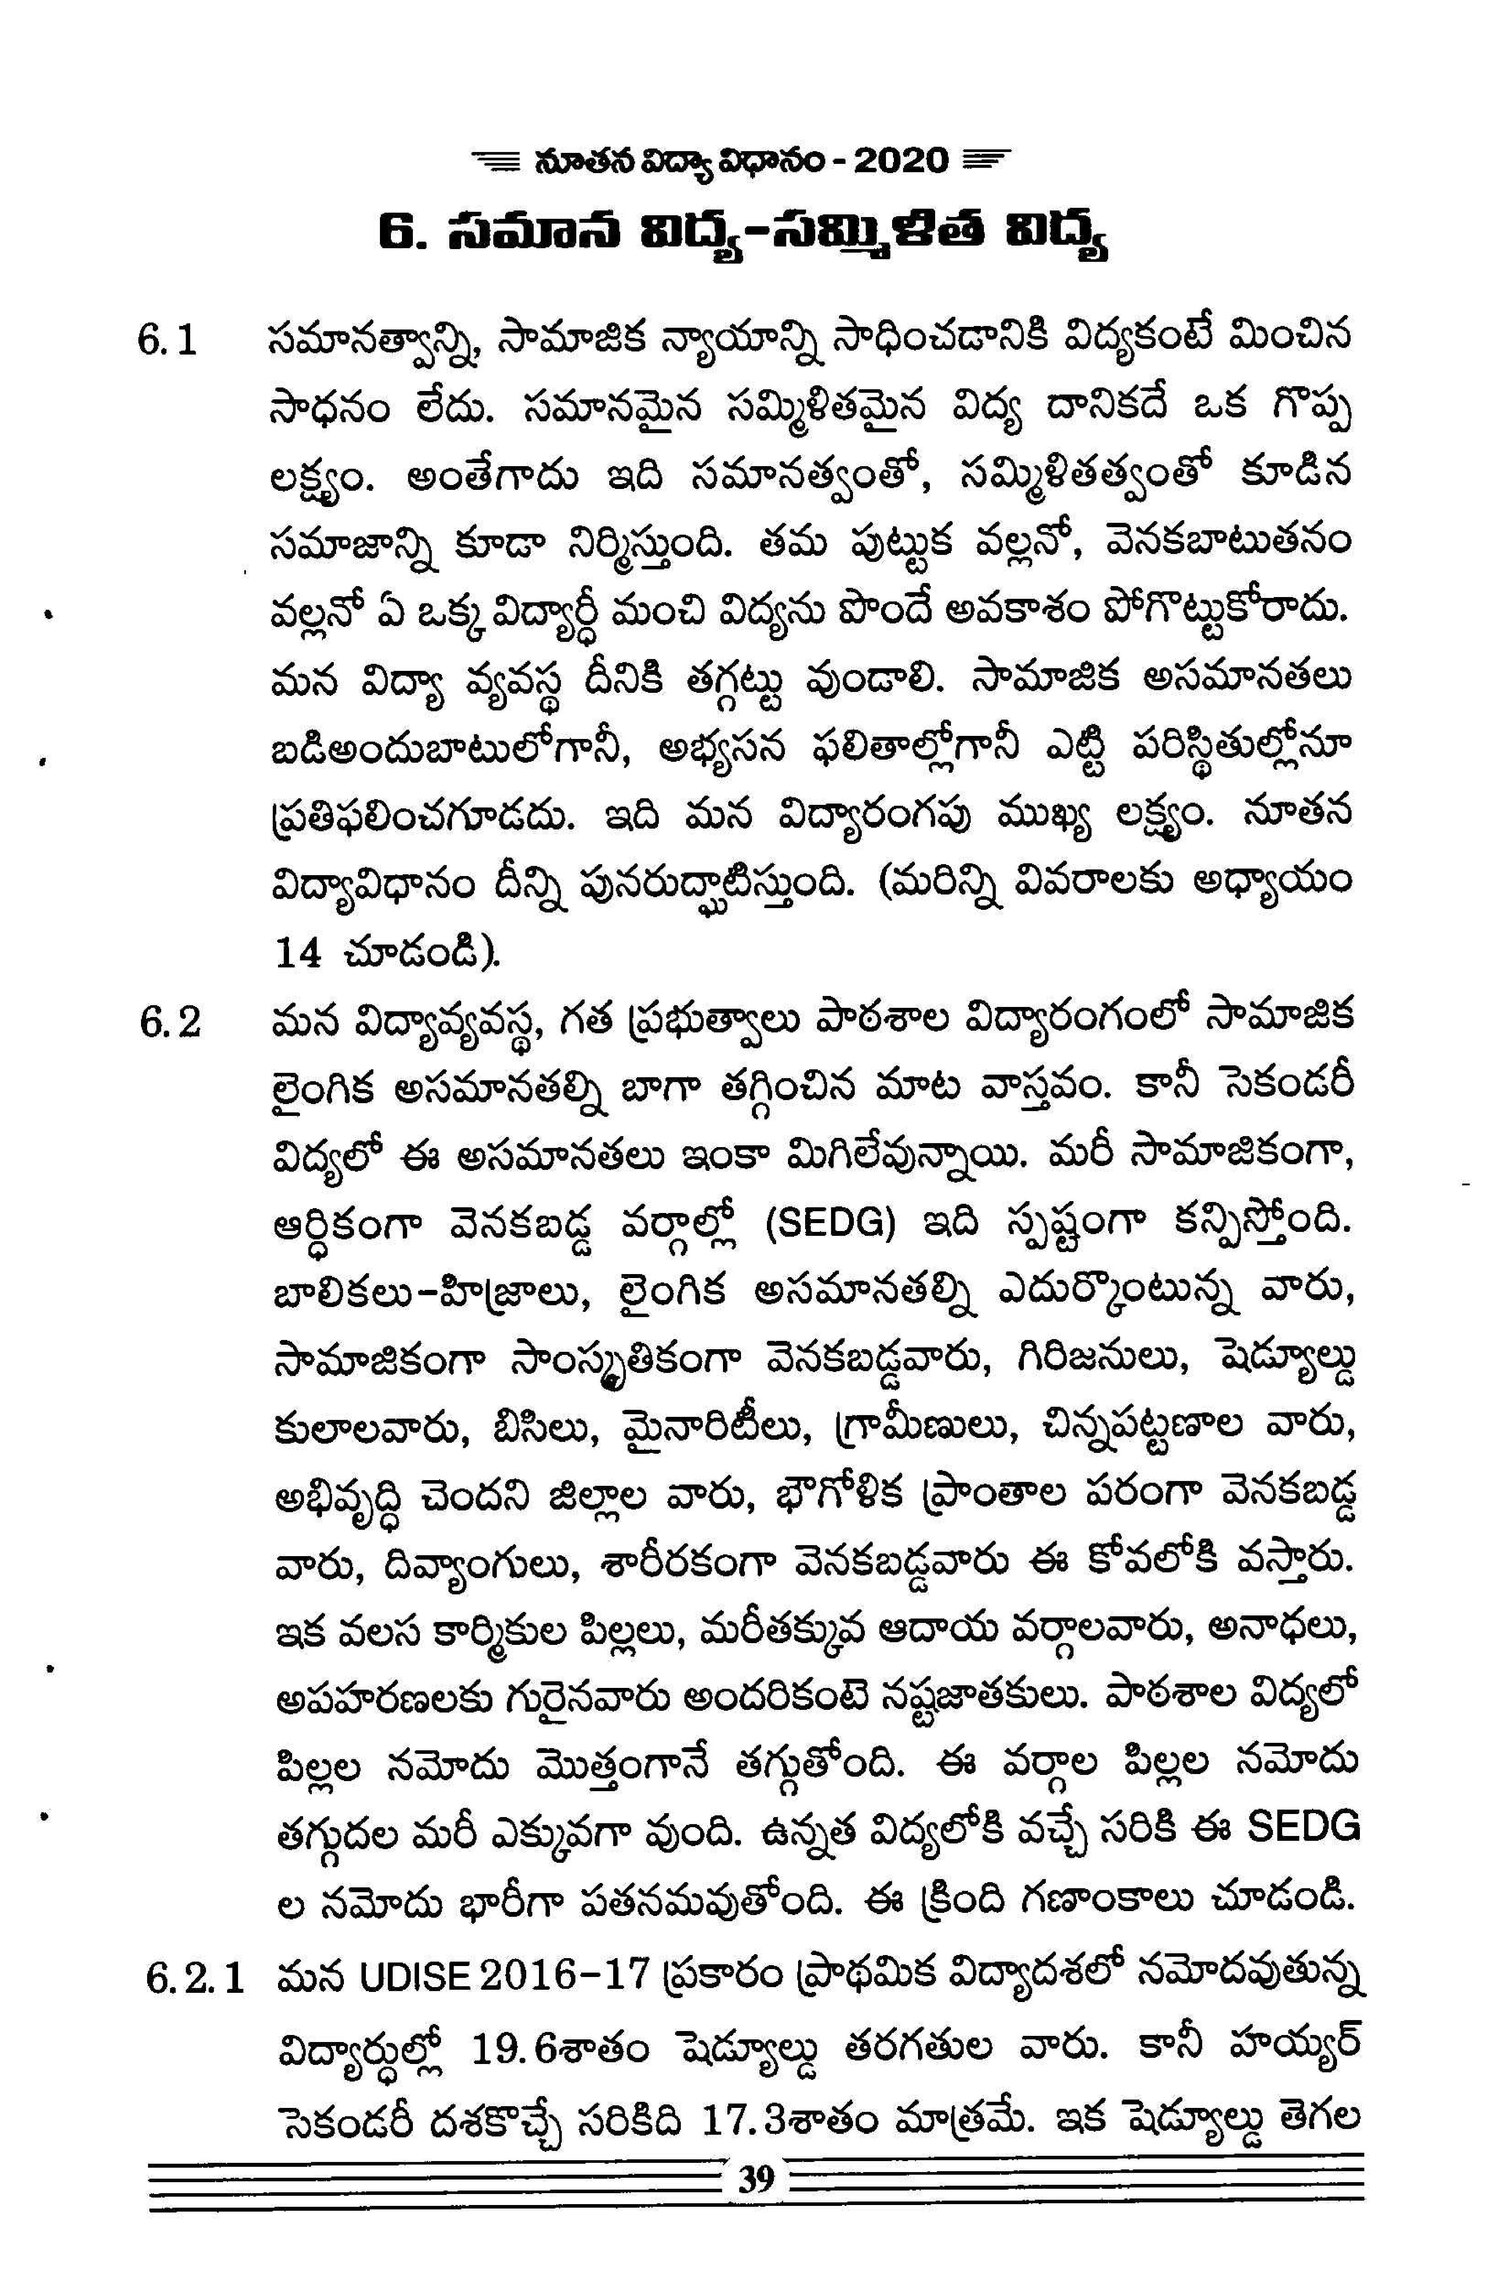6.1 సమాన విద్య – సమ్మిళిత విద్య
సమానత్వం మరియు సామాజిక న్యాయం సాధించేందుకు విద్యకన్నా గొప్ప సాధనం మరొకటి లేదు.
సమానమైన, సమ్మిళితమైన విద్య ఒక గొప్ప లక్ష్యం మాత్రమే కాదు, అదే సమయంలో సమానత్వంతో, సమ్మిళితత్వంతో కూడిన సమాజాన్ని కూడా నిర్మిస్తుంది.
వారిపుట్టుక వల్ల గానీ, వెనకబాటుతనం వల్ల గానీ, ఏ ఒక్క విద్యార్థి కూడా మంచి విద్యను పొందే అవకాశాన్ని కోల్పోకూడదు.
మన విద్యా వ్యవస్థ అందరికీ సమాన అవకాశాలు కల్పించే విధంగా ఉండాలి.
సామాజిక అసమానతలు పాఠశాలల అందుబాటులో గానీ, విద్యా ఫలితాల్లో గానీ ఎట్టి పరిస్థితుల్లోనూ ప్రతిఫలించకూడదు.
ఇది మన విద్యారంగంలోని ముఖ్యమైన లక్ష్యం. నూతన విద్యావిధానం ఈ విషయాన్ని మరింత బలంగా పునరుద్ఘాటిస్తోంది. (వివరాలకు అధ్యాయం 14 చూడండి.)

6.2
మన విద్యా వ్యవస్థ మరియు గత ప్రభుత్వాలు పాఠశాల విద్యారంగంలో సామాజిక, లైంగిక అసమానతలను కొంతవరకు తగ్గించినట్లయినా, సెకండరీ విద్యా దశలో ఈ అసమానతలు ఇప్పటికీ కొనసాగుతున్నాయి.
ఇది ముఖ్యంగా సామాజిక, ఆర్థికంగా వెనుకబడిన వర్గాలలో (SEDG) స్పష్టంగా కనిపిస్తుంది.
ఈ వర్గాలలోకి బాలికలు, హిజ్రాలు, లైంగిక అసమానతల్ని ఎదుర్కొంటున్న వ్యక్తులు, సామాజికంగా మరియు సాంస్కృతికంగా వెనుకబడినవారు, గిరిజనులు, షెడ్యూల్డు కులాలు, బీసీలు, మైనారిటీలు, గ్రామీణ ప్రాంతాల్లో నివసించే వారు, చిన్న పట్టణాల వారు, అభివృద్ధి చెందని జిల్లాల్లో నివసించే వారు, భౌగోళికంగా వెనుకబడిన ప్రాంతాలవారు, దివ్యాంగులు మరియు శారీరకంగా వెనుకబడినవారు వస్తారు.

ఇక వలస కూలీల పిల్లలు, తక్కువ ఆదాయ వర్గాలవారు, అనాధలు, అపహరణకు గురైనవారు – వీరంతా పాఠశాల విద్యలో అత్యంత నష్టానికి గురయ్యే వర్గాలు.
ప్రస్తుతం పాఠశాల విద్యలో మొత్తం విద్యార్థుల నమోదు తగ్గుతోంది.
ఈ వర్గాలకు చెందిన పిల్లల నమోదు తగ్గుదల మరింత తీవ్రంగా ఉంది.
ఉన్నత విద్యా దశలోకి వచ్చే సమయంలో ఈ SEDG వర్గాల విద్యార్థుల నమోదు భారీగా తగ్గిపోతోంది.

6.2.1
మన UDISE 2016–17 గణాంకాల ప్రకారం, ప్రాథమిక విద్యా దశలో నమోదైన విద్యార్థుల్లో 19.6 శాతం మంది షెడ్యూల్డు కులాలకు చెందినవారు.
కానీ, హయ్యర్ సెకండరీ దశకు వచ్చేసరికి వారి శాతం 17.3కి తగ్గిపోయింది.
ఇక షెడ్యూల్డు తెగల...